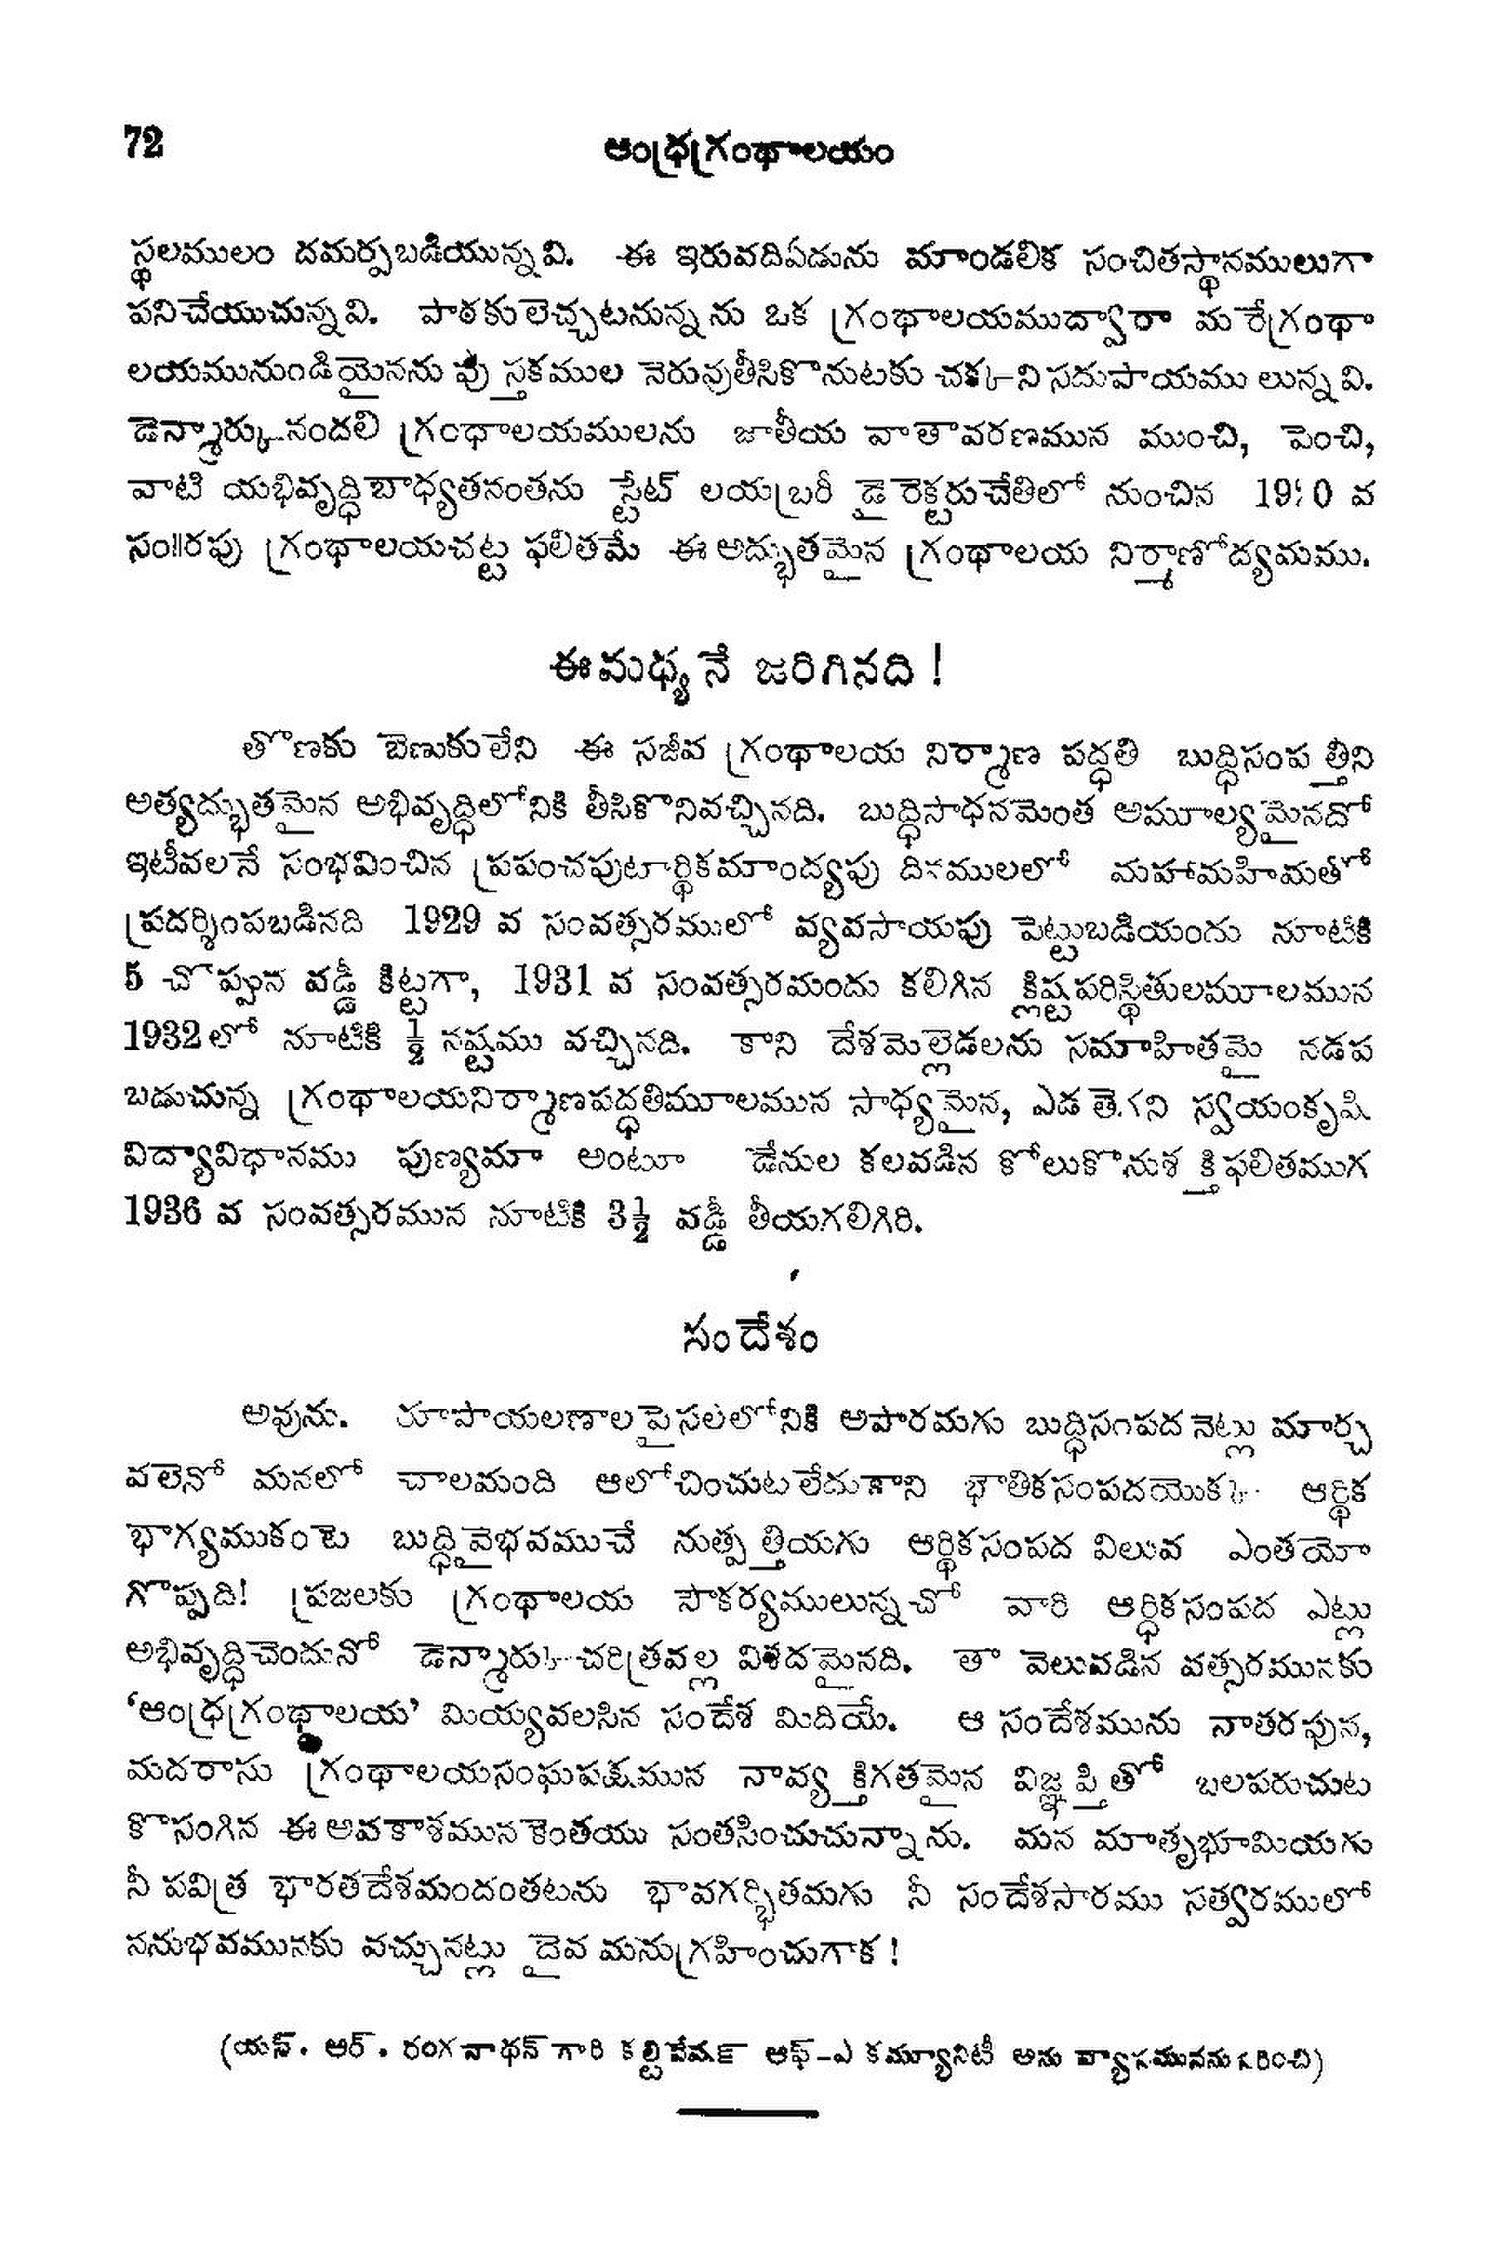స్థలములందమర్పబడియున్నవి. ఈ ఇరువది ఏడును మాండలిక సంచిత స్థానములుగా పనిచేయుచున్నవి. 
పాఠకులెచ్చటనున్నను ఒక గ్రంథాలయముద్వారా మరే గ్రంథాలయమునుండియైనను పుస్తకముల నెరువుతీసికొనుటకు చక్కని సదుపాయములున్నవి. డెన్మార్కు నందలి గ్రంధాలయములను జాతీయ వాతావరణమున ముంచి, పె౦చి, వాటి యభివృద్ధి బాధ్యతనంతను స్టేట్ లయబ్రరీ డైరెక్టరు చేతిలో నుంచిన 1950వ సంవత్సరపు గ్రంథాలయచట్ట ఫలితమే ఈ అద్భుతమైన 
గ్రంథాలయ నిర్మాణోద్యమము.
 
తొణకు బెణుకులేని ఈ సజీవ గ్రంథాలయ నిర్మాణ పద్ధతి బుద్ధిసంపత్తిని అత్యద్భుతమైన అభివృద్ధిలోనికి తీసికొనివచ్చినది. బుద్ధిసాధనమెంత అమూల్యమైనదో ఇటీవలనే సంభవించిన ప్రపంచపుటార్థిక మాంద్యపు దినములలో మహామహిమతో 
ప్రదర్శింపబడినది. 1929వ సంవత్సరములో వ్యవసాయపు పెట్టుబడియందు నూటికి 5 చొప్పున వడ్డీ కిట్టగా, 1931వ 
సంవత్సరమందు కలిగిన క్లిష్టపరిస్థితులమూలమున 1982లో నూటికి 1/2 నష్టము వచ్చినది. కాని దేశమెల్లెడలను సమాహితమై నడపబడుచున్న గ్రంథాలయనిర్మాణపద్ధతిమూలమున సాధ్యమైన, ఎడతెగని స్వయంకృషి. విద్యావిధానము పుణ్యమా అంటూ 
డేనుల కలవడిన కోలుకొనుశక్తి ఫలితముగ 1936వ సంవత్సరమున నూటికి 37 1/2 వడ్డీ తీయగలిగిరి.

అవును. రూపాయలణాలపైసలలోనికి అపారమగు బుద్ధిసంపద నెట్లు మార్చ వలెనో మనలో చాలమంది ఆలోచించుట లేదు
కాని భౌతిక సంపదయొక్క ఆర్థిక భాగ్యముకంటె బుద్ధి వైభవముచే నుత్పత్తియగు ఆర్థికసంపద విలువ ఎంతయో గొప్పది! 
ప్రజలకు గ్రంథాలయ సౌకర్యములున్నచో వారి ఆర్ధిక సంపద ఎట్లు అభివృద్ధి చెందునో డెన్మార్కు, చరిత్రవల్ల విశదమైనది. 
తా వెలువడిన వత్సరమునకు 'ఆంధ్రగ్రంథాలయ' మియ్యవలసిన సందేశ మిదియే. ఆ సందేశమును నా తరఫున,
మదరాసు గ్రంథాలయసంఘపక్షమున నావ్యక్తిగతమైన విజ్ఞప్తితో బలపరుచుట కొసంగిన ఈ అవకాశమునకెంతయు 
సంతసించుచున్నాను. మన మాతృభూమియగు నీ పవిత్ర భారతదేశమందంతటను భావగర్భితమగు నీ సందేశసారము 
సత్వరములో సనుభవమునకు వచ్చునట్లు దైవ మనుగ్రహించుగాక!